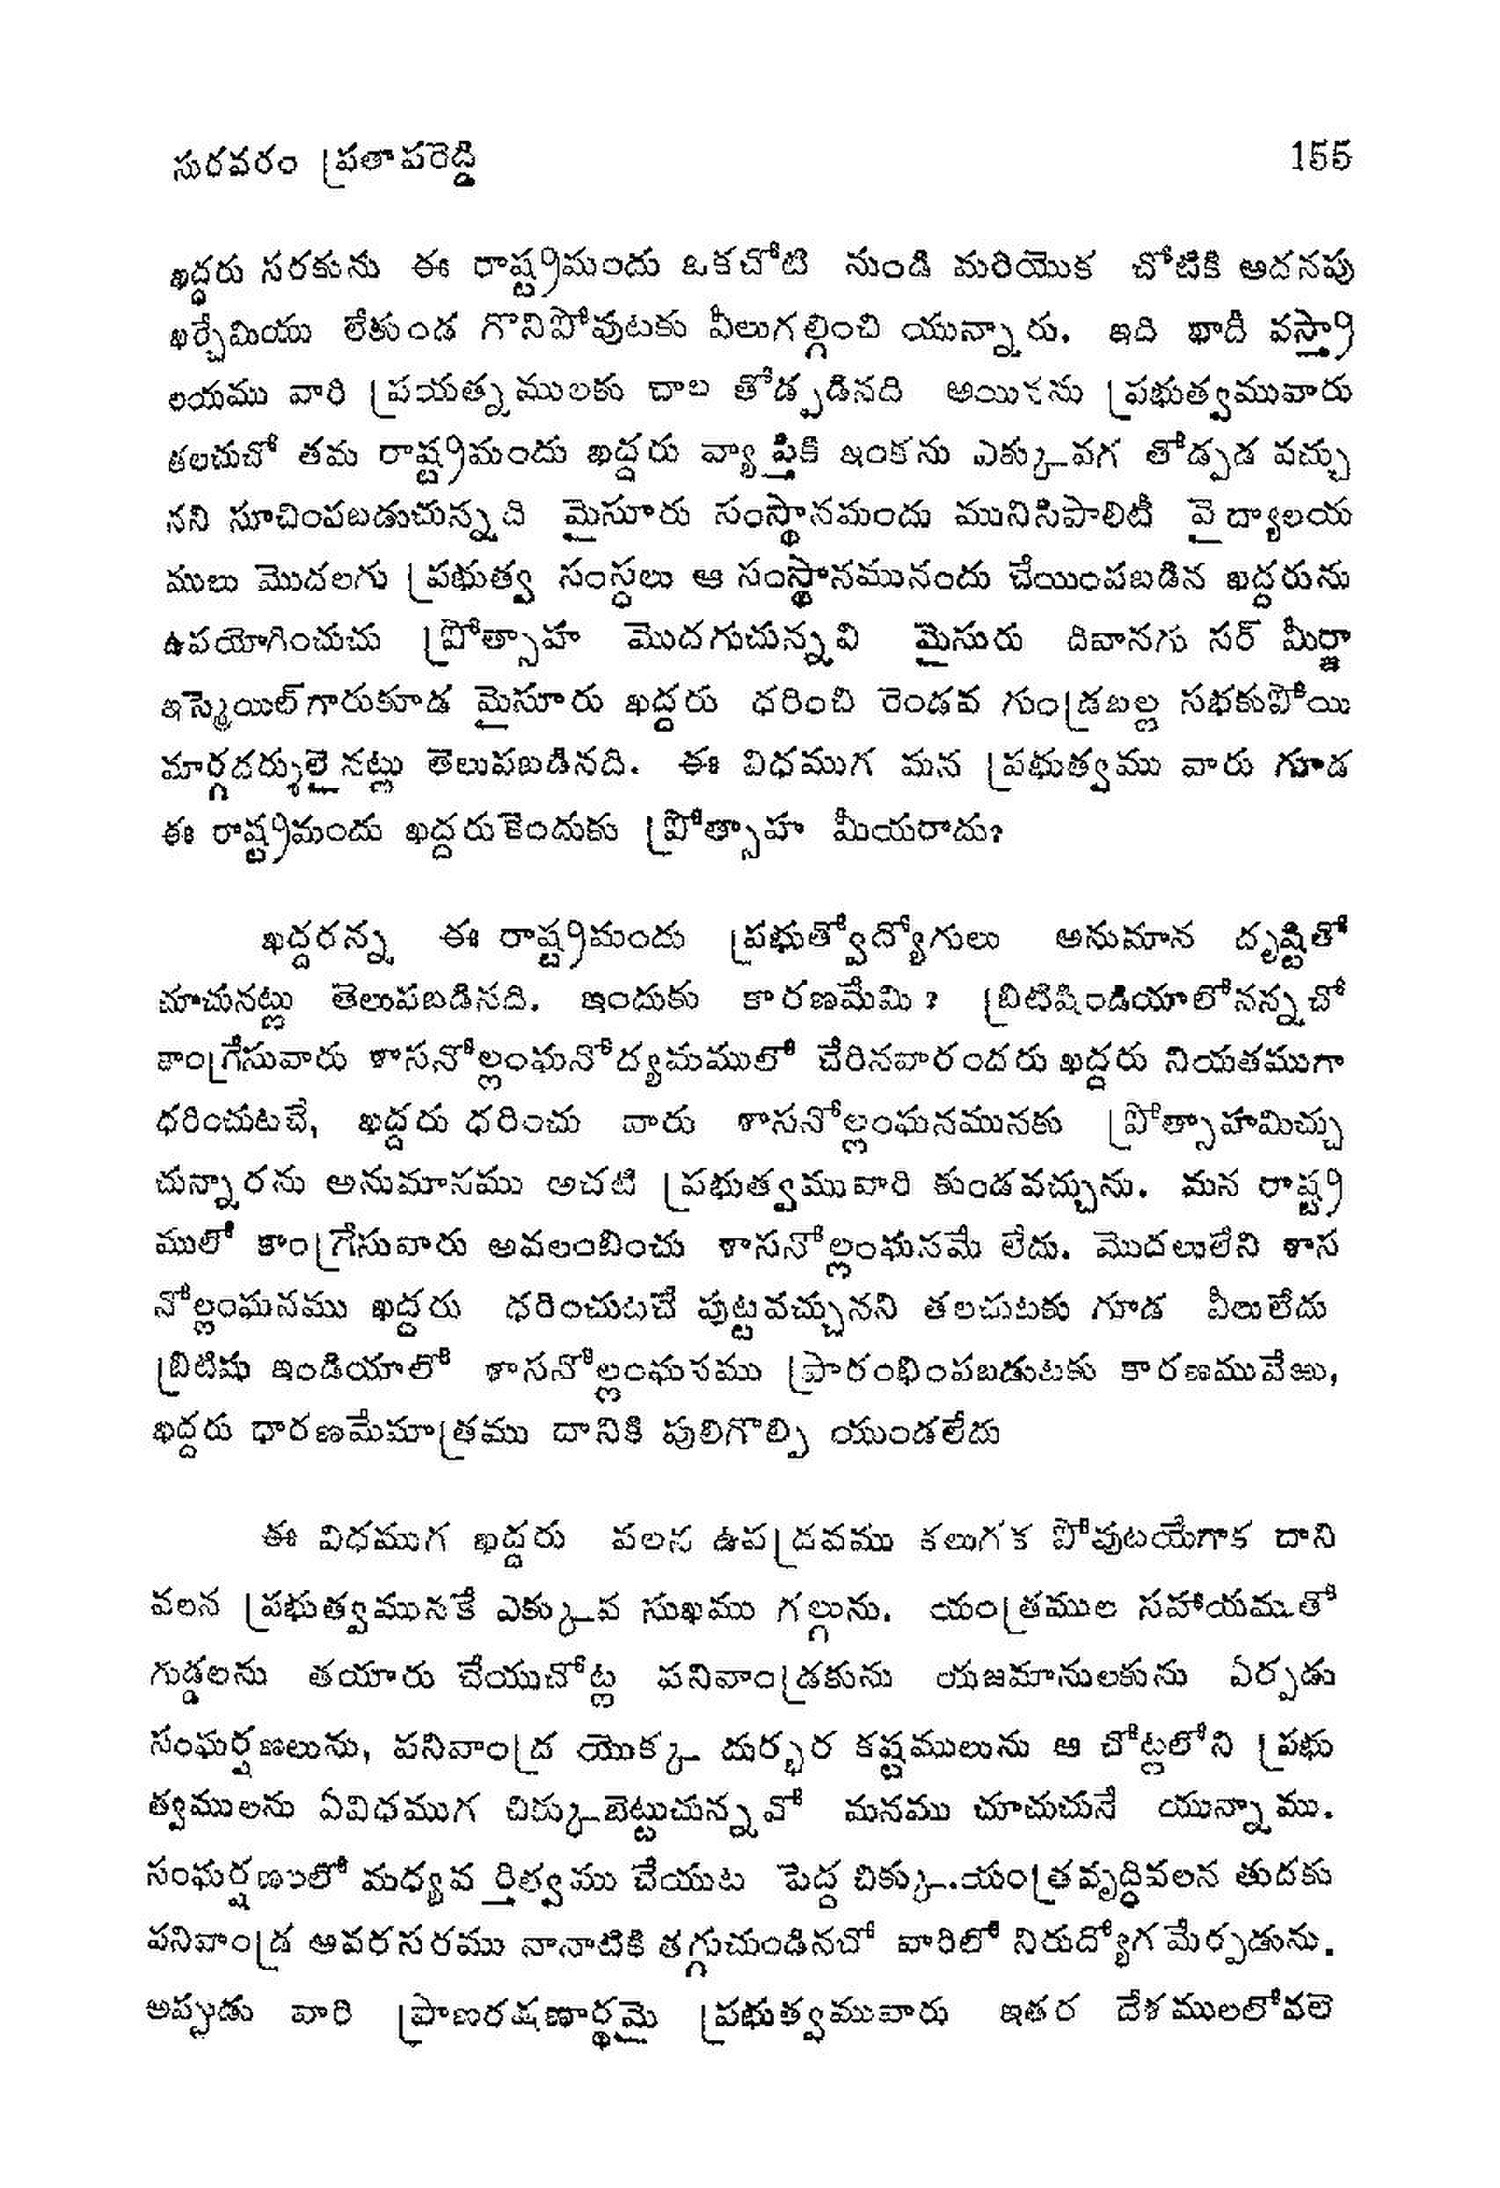ఖద్దరు సరకును ఈ రాష్ట్రమందు ఒకచోటి నుండి మరియొక చోటికి అదనపు ఖర్చేమియు లేకుండ గొనిపోవుటకు వీలుగల్గించి యున్నారు. ఇది ఖాదీ వస్త్రాలయము వారి ప్రయత్నములకు చాల తోడ్పడినది అయినను ప్రభుత్వమువారు తలచుచో తమ రాష్ట్రమందు ఖద్దరు వ్యాప్తికి ఇంకను ఎక్కువగ తోడ్పడ వచ్చునని సూచింపబడుచున్నది మైసూరు సంస్థానమందు మునిసిపాలిటీ వైద్యాలయములు మొదలగు ప్రభుత్వ సంస్థలు ఆ సంస్థానమునందు చేయింపబడిన ఖద్దరును ఉపయోగించుచు ప్రోత్సాహ మొదగుచున్నవి మైసూరు దివానగు సర్ మీర్జా ఇస్మెయిల్‌గారుకూడ మైసూరు ఖద్దరు ధరించి రెండవ గుండ్రబల్ల సభకుపోయి మార్గదర్శులైనట్లు తెలుపబడినది. ఈ విధముగ మన ప్రభుత్వము వారు గూడ ఈ రాష్ట్రమందు ఖద్దరుకెందుకు ప్రోత్సాహ మీయరాదు?

ఖద్దరన్న ఈ రాష్ట్రమందు ప్రభుత్వోద్యోగులు అనుమాన దృష్టితో చూచునట్లు తెలుపబడినది. ఇందుకు కారణమేమి? బ్రిటిషిండియాలోనన్నచో కాంగ్రెసువారు శాసనోల్లంఘనోద్యమములో చేరినవారందరు ఖద్దరు నియతముగా
ధరించుటచే, ఖద్దరు ధరించు వారు శాసనోల్లంఘనమునకు ప్రోత్సాహమిచ్చుచున్నారను అనుమానము అచటి ప్రభుత్వమువారి కుండవచ్చును. మన రాష్ట్రములో కాంగ్రెసువారు అవలంబించు శాసనోల్లంఘనమే లేదు. మొదలులేని శాసనోల్లంఘనము ఖద్దరు ధరించుటచే పుట్టవచ్చునని తలచుటకు గూడ వీలులేదు బ్రిటిషు ఇండియాలో శాసనోల్లంఘనము ప్రారంభింపబడుటకు కారణమువేఱు, ఖద్దరు ధారణమేమాత్రము దానికి పురిగొల్పి యుండలేదు

ఈ విధముగ ఖద్దరు వలన ఉపద్రవము కలుగక పోవుటయేగాక దాని వలన ప్రభుత్వమునకే ఎక్కువ సుఖము గల్గును. యంత్రముల సహాయముతో గుడ్డలను తయారు చేయుచోట్ల పనివాండ్రకును యజమానులకును ఏర్పడుసంఘర్షణలును, పనివాండ్ర యొక్క దుర్భర కష్టములును ఆ చోట్లలోని ప్రభుత్వములను ఏవిధముగ చిక్కుబెట్టుచున్నవో మనము చూచుచునే యున్నాము. సంఘర్షణంలో మధ్యవర్తిత్వము చేయుట పెద్ద చిక్కు యంత్రవృద్ధివలన తుదకు పనివాండ్ర అవరసరము నానాటికి తగ్గుచుండినచో వారిలో నిరుద్యోగ మేర్పడును.అప్పుడు వారి ప్రాణరక్షణార్థమై ప్రభుత్వమువారు ఇతర దేశములలోవలె